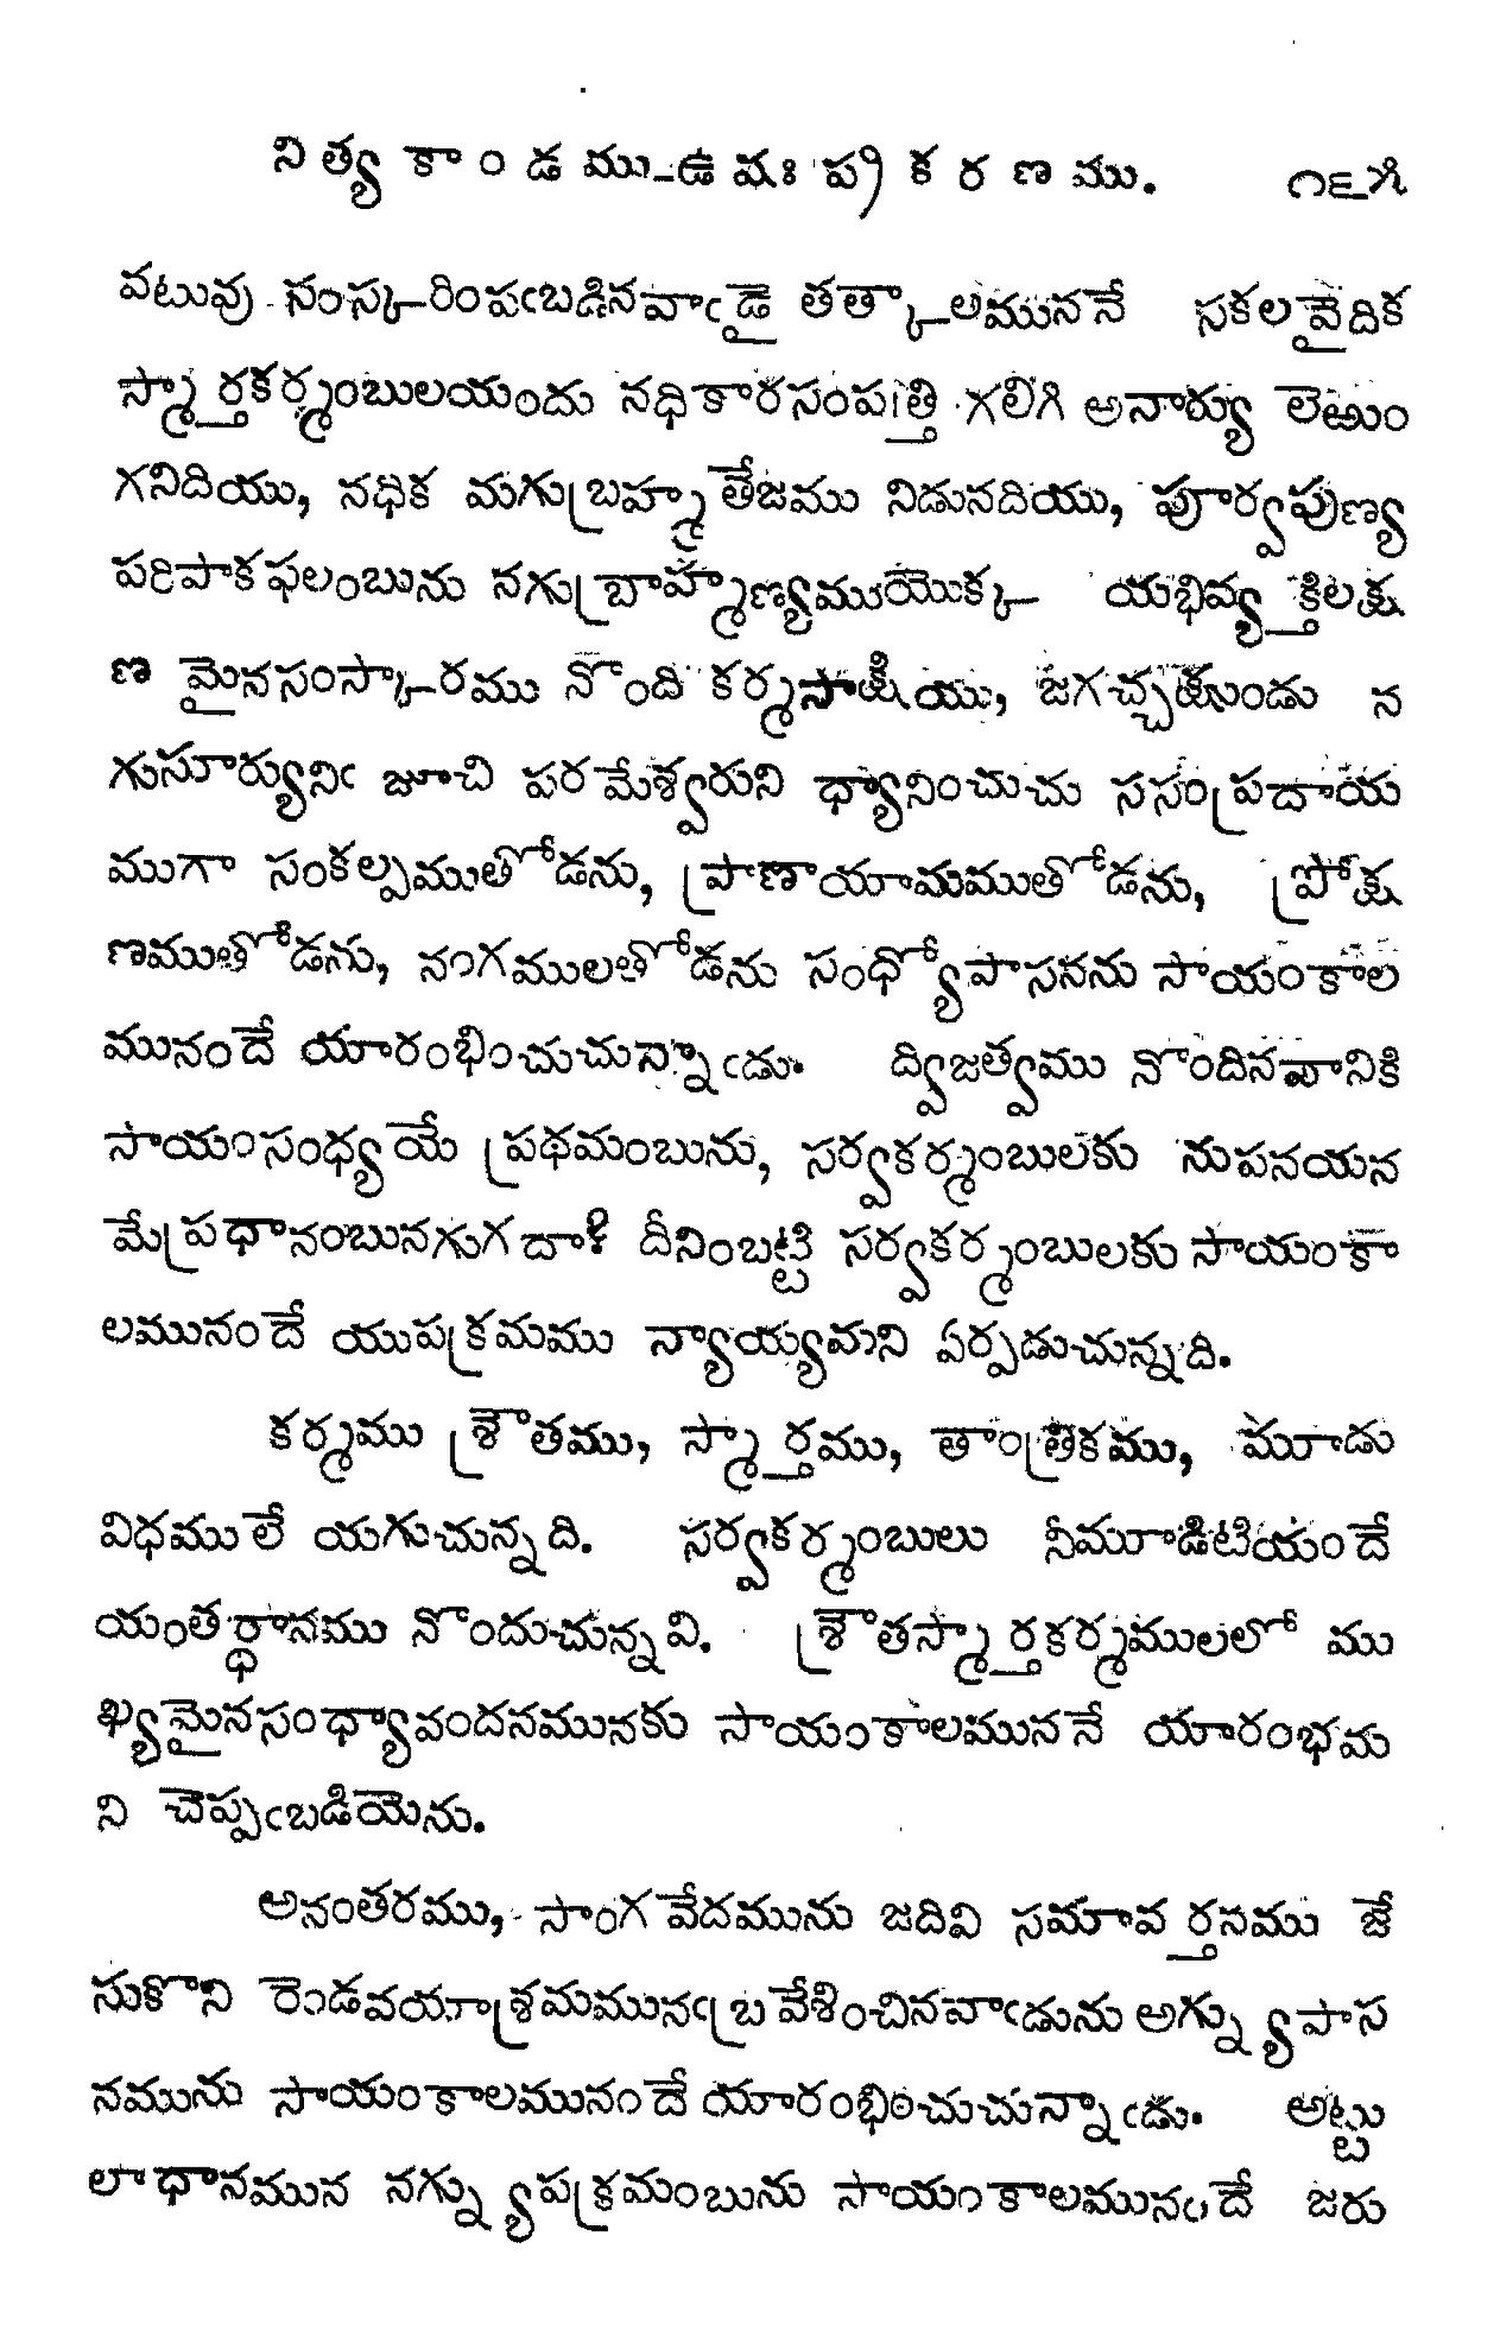వటువు సంస్కరింపఁబడినవాఁడై తత్కాలముననే సకలవైదిక స్మార్తకర్మంబులయందు నధికారసంపత్తి గలిగి అనార్యు లెఱుంగనిదియు, నధిక మగుబ్రహ్మతేజము నిడునదియు, పూర్వపుణ్యపరిపాకఫలంబును నగుబ్రాహ్మణ్యముయొక్క యభివ్యక్తిలక్షణ మైనసంస్కారము నొంది కర్మసాక్షియు, జగచ్చక్షుండు నగుసూర్యునిఁ జూచి పరమేశ్వరుని ధ్యానించుచు ససంప్రదాయముగా సంకల్పముతోడను, ప్రాణాయామముతోడను, ప్రోక్షణముతోడను, నంగములతోడను సంద్యోపాసనను సాయంకాలమునందే యారంభించుచున్నాఁడు. ద్విజత్వము నొందినవానికి సాయంసంధ్యయే ప్రథమంబును, సర్వకర్మంబులకు నుపనయనమే ప్రధానంబునగుగదా? దీనింబట్టి సర్వకర్మంబులకు సాయంకాలమునందే యుపక్రమము న్యాయ్యమని ఏర్పడుచున్నది.

కర్మము శ్రౌతము, స్మార్తము, తాంత్రికము, మూడువిధములే యగుచున్నది. సర్వకర్మంబులు నీమూడిటియందే యంతర్ధానము నొందుచున్నవి. శ్రౌతస్మార్తకర్మములలో ముఖ్యమైనసంధ్యావందనమునకు సాయంకాలముననే యారంభమని చెప్పఁబడియెను.

అనంతరము, సాంగవేదమును జదివి సమావర్తనము జేసుకొని రెండవయాశ్రమమునఁ బ్రవేశించినవాఁడును అగ్న్యుపాసనమును సాయంకాలమునందే యారంభించుచున్నాఁడు. అట్టు లాధానమున నగ్న్యుపక్రమంబును సాయంకాలమునందే జరు